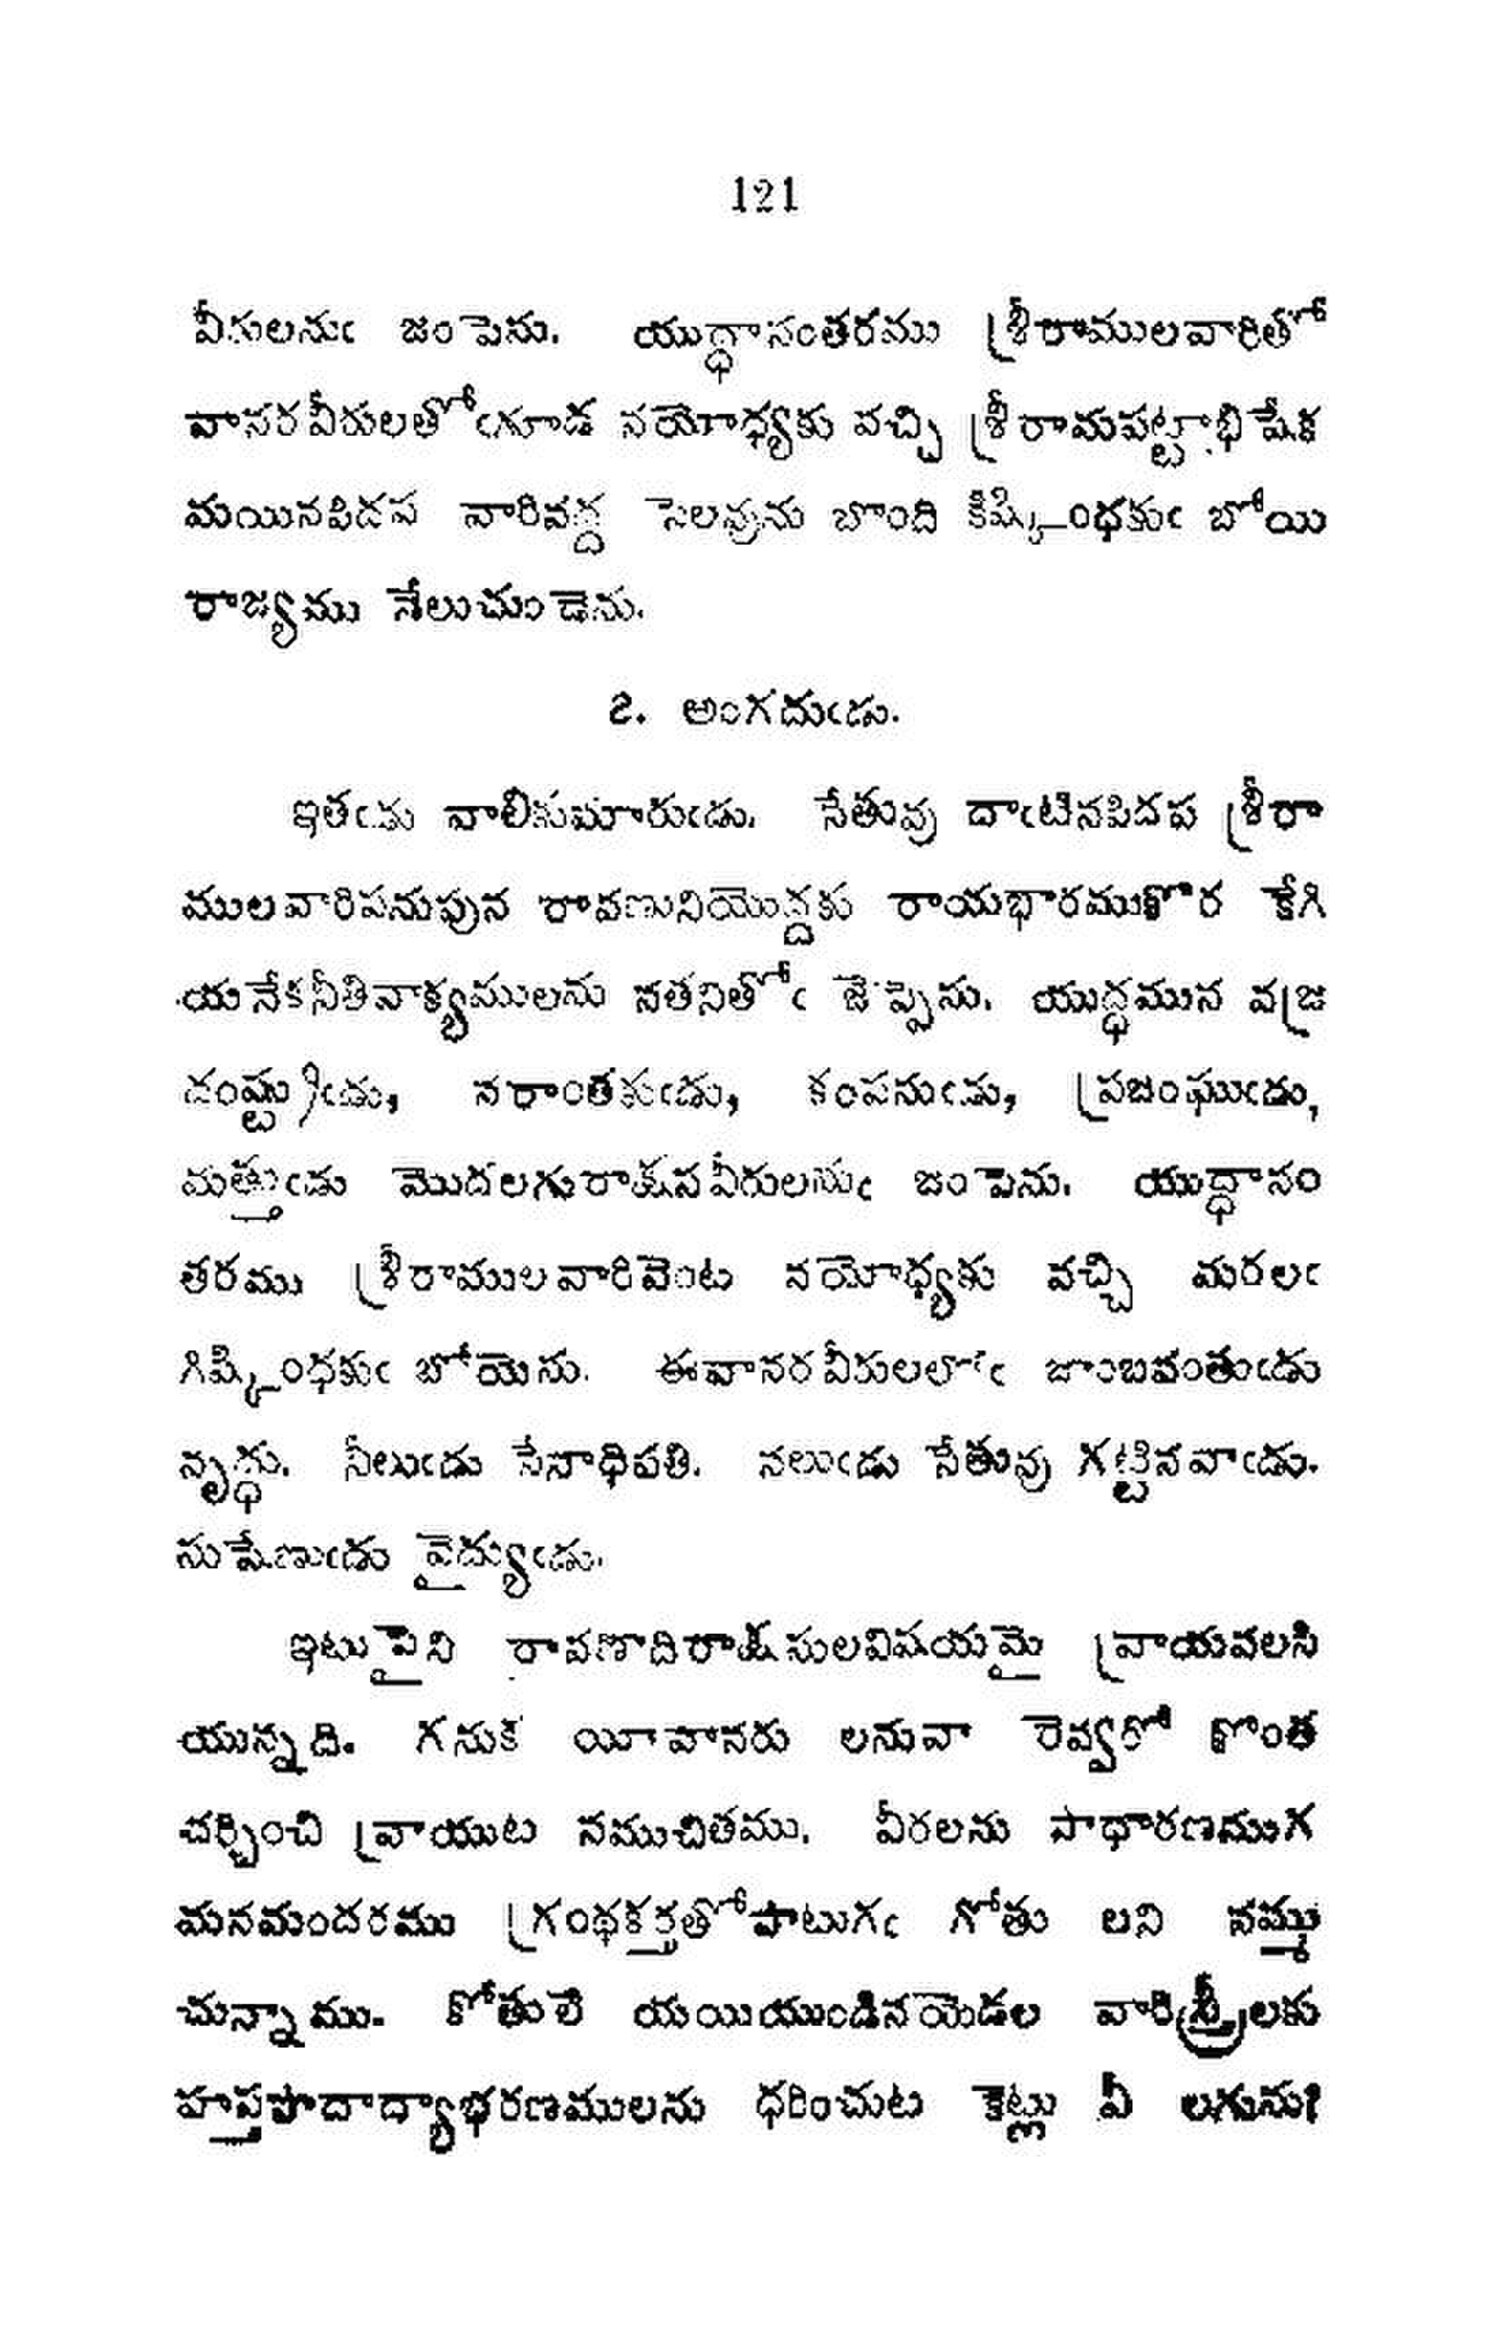వీరులనుఁ జంపెను. యుద్ధానంతరము శ్రీరాములవారితో వానరవీరులతోఁగూడ నయోధ్యకు వచ్చి శ్రీరామపట్టాభిషేక మయినపిదప వారివద్ద సెలవును బొంది కిష్కింధకుఁ బోయి రాజ్యము నేలుచుండెను.

ఇతఁడు వాలికుమారుఁడు. సేతువు దాఁటినపిదప శ్రీరాములవారిపనుపున రావణునియొద్దకు రాయభారముకొర కేగి యనేకనీతివాక్యములను నతనితోఁ జెప్పెను. యుద్ధమున వజ్రదంష్ట్రుఁడు, నరాంతకుఁడు, కంపనుఁడు, ప్రజంఘుఁడు, మత్తుఁడు మొదలగురాక్షసవీరులనుఁ జంపెను. యుద్ధానంతరము శ్రీరాములవారివెంట నయోధ్యకు వచ్చి మరలఁ గిష్కింధకుఁ బోయెను. ఈవానరవీరులలోఁ జాంబవంతుఁడు వృద్ధు. నీలుఁడు సేనాధిపతి. నలుఁడు సేతువు గట్టినవాఁడు.
సుషేణుఁడు వైద్యుడు.

ఇటుపైని రావణాదిరాక్షసులవిషయమై వ్రాయవలసి యున్నది. గనుక యీవానరు. లనువా రెవ్వరో కొంత చర్చించి వ్రాయుట సముచితము. వీరలను సాధారణముగ మనమందరము గ్రంథకర్తతోపాటుగఁ గోతు లని నమ్ముచున్నాము. కోతులే యయియుండినయెడల వారిస్త్రీలకు
హస్తపాదాద్యాభరణములను ధరించుట కెట్లు వీ లగును?